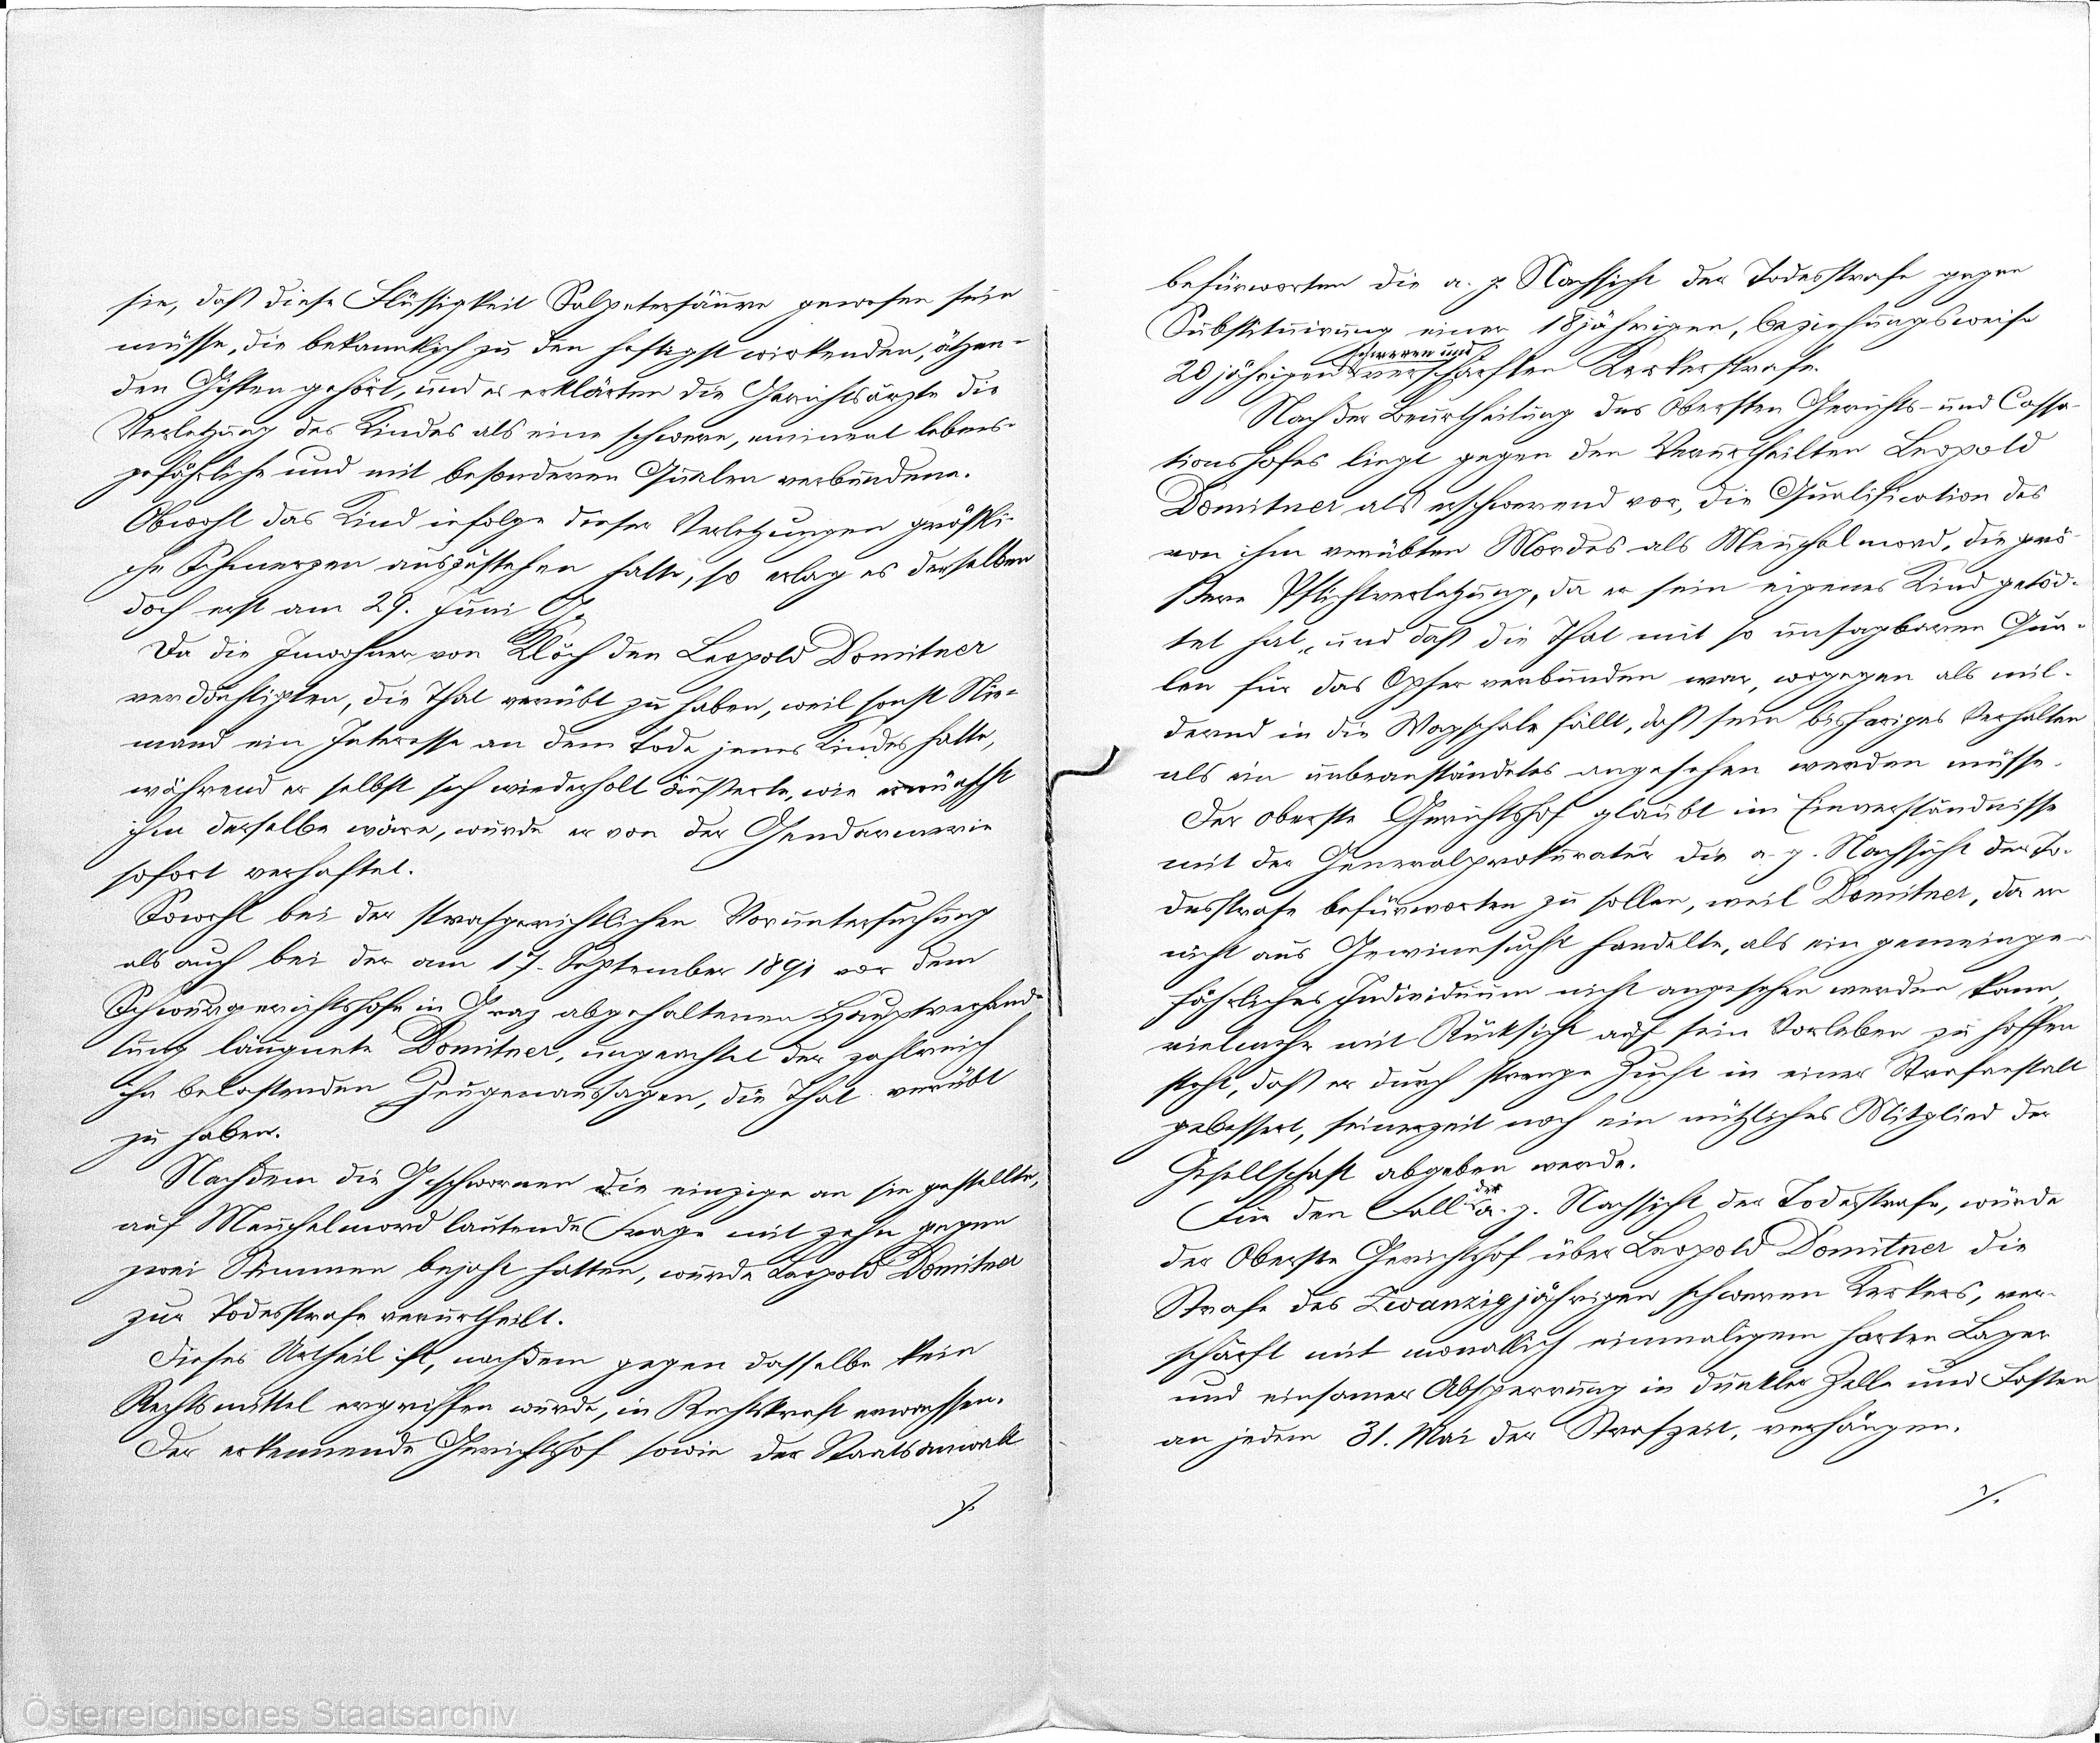sie, daß diese Flüssigkeit Salpetersäure gewesen sein
müsse, die bekanntlich zu den festigst wirkenden, ätzen¬
den Giften gehört, und er erklärten die Gerichtsärzte die
Verletzung des Kindes als eine schwere, eminent lebens¬
gefährliche und mit besonderen Qualen verbundene.
Obwohl das Kind infolge dieser Verletzungen gräßli¬
che Schmerzen auszustehen hatte, so erlag es derselben
doch erst am 29. Juni lJ.
Da die Inwohner von Klöch den Leopold Domitner
verdächtigten, die That verübt zu haben, weil sonst Nie¬
mand ein Interesse an dem Tode jenes Kindes hatte,
während er selbst sich wiederholt äußerte, wie erwünscht
ihm derselbe wäre, wurde er von der Gendarmerie
sofort verhaftet.
Sowohl bei der Strafgerichtliche Voruntersuchung
als auch bei der am 17. September 1891 vor dem
Schwurgerichtshofe in Graz abgehaltenen Hauptverhand¬
lung läugnete Domitner, ungeachtet der zahlreich
ihn belastenden Zeugenaussagen, die That verübt
zu haben.
Nachdem die Geschworene die einzige an sie gestellte,
auf Meuchelmord lautende Frage mit zehn gegen
zwei Stimmen bejaht hatten, wurde Leopold Domitner
zur Todesstrafe verurtheilt.
Dieses Urtheil ist, nach dem gegen dasselbe kein
Rechtsmittel ergriffen wurde, in Rechtskraft erwachsen.
Der erkennende Gerichtshof sowie der Staatsanwalt
befürworten die a.g. Nachsicht der Todesstrafe gegen
Substituirung einer 18jährigen, beziehungsweise
schweren und
20jährigen verschärften Kerkerstrafe.
Nach der Beurtheilung des Obersten Gerichts- und Cassa¬
tionshofes liegt gegen den Verurtheilten Leopold
Domitner als erschwerend vor, die Qualification des
von ihm verübten Mordes als Meuchelmord, die grö¬
ßere Pflichtverletzung, da er sein eigenes Kind getöd¬
tet hat, und daß die That mit so unsagbaren Qua¬
len für das Opfer verbunden war, wogegen als mil¬
dernd in die Wagschale fällt, daß sein bisheriges Verhalten
als ein unbeanständetes angesehen werden müsse.
Der Oberste Gerichtshof glaubt im Einverständnisse
mit der Generalprokuratur die a.g. Nachsicht der To¬
desstrafe befürworten zu sollen, weil Domitner, da er
nicht aus Gewinnsucht handelte, als ein gemeinge¬
fährliches Individuum nicht angesehen werden kann,
vielmehr mit Rücksicht auf sein Vorleben zu hoffen
steht, daß er durch strenge Zucht in einer Strafanstalt
gebessert, seinerzeit noch ein nützliches Mitglied der
Gesellschaft abgeben werde.
der
Für den Fall a.g. Nachsicht der Todesstrafe, würde
der Oberste Gerichtshof über Leopold Domitner die
Strafe des Zwanzigjährigen schweren Kerkers, ver¬
schärft mit monatlich einmaligem harten Lager
und einsamer Absperrung in dunkler Zelle und Fasten
an jedem 31. Mai der Strafzeit verhängen.